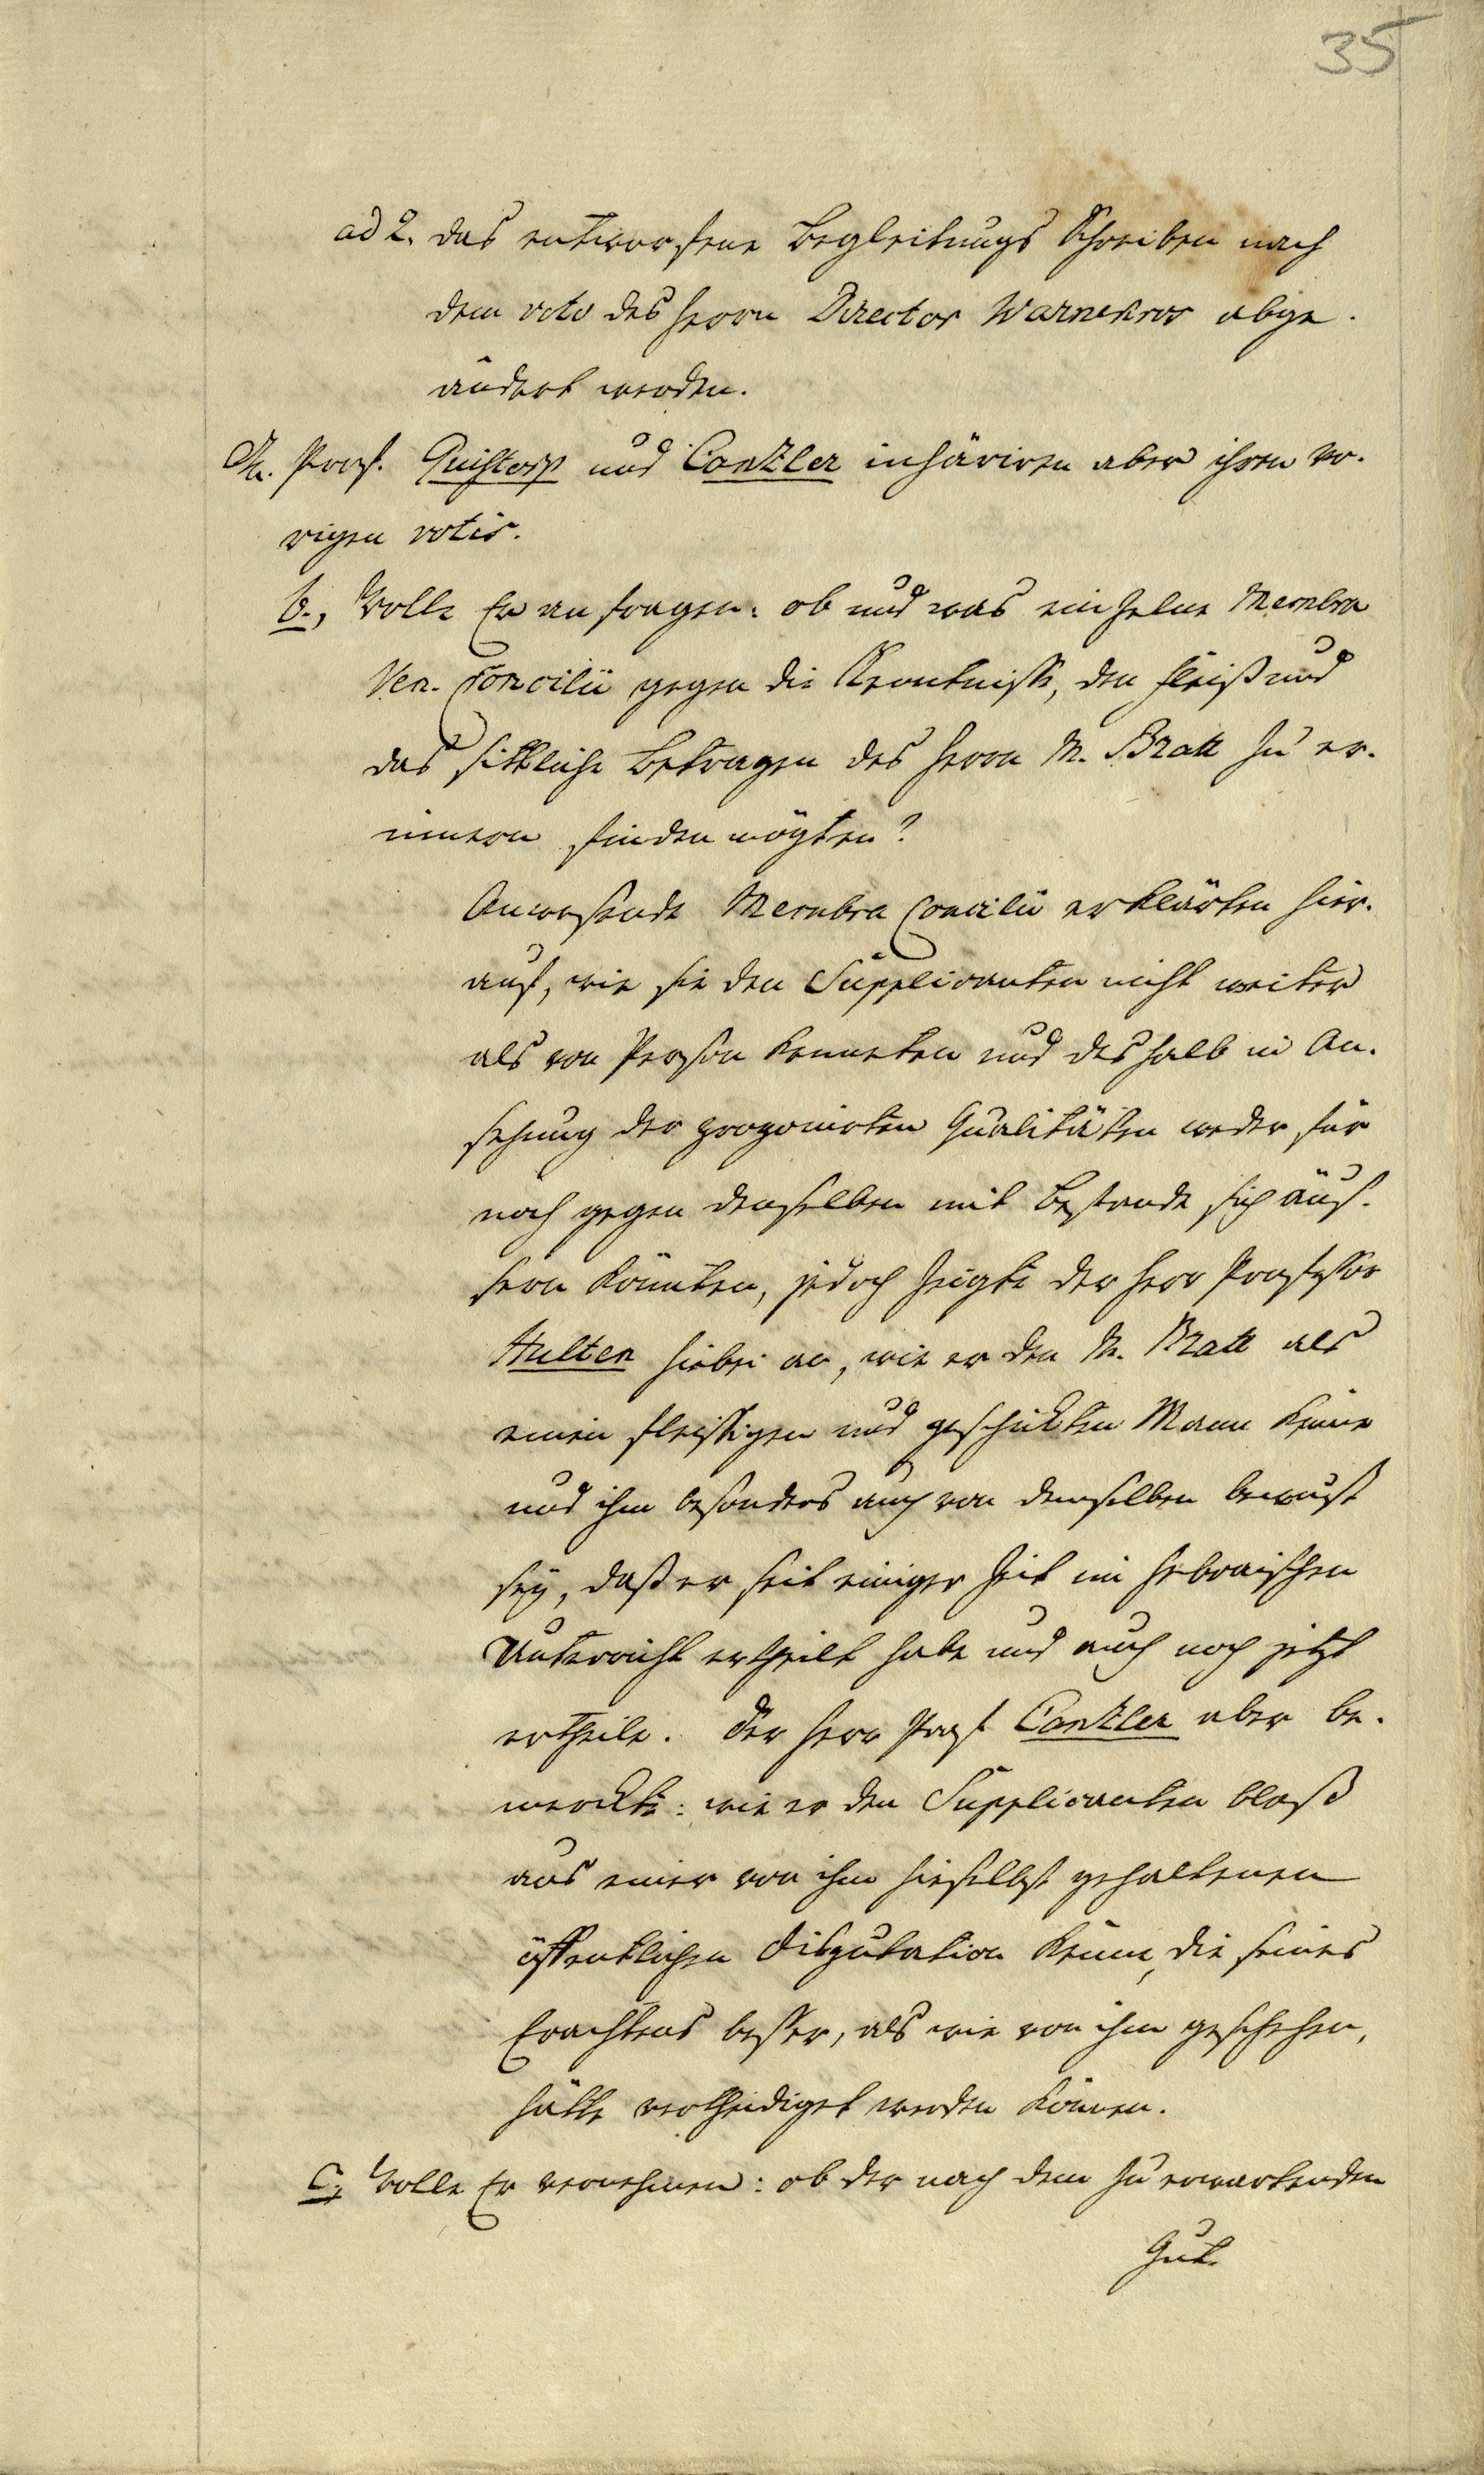ad 2. das entworfene Begleitungs Schreiben nach
dem voto des Herrn Director Warnekros abge¬
ändert werden.
dh. Prof. Quistorp und Canzler inhäriren aber ihren vo¬
rigen votis.
b., Wolle Er anfragen: ob und was einzelne Membra
Ven. Concilii gegen die Kenntnisse, den Fleiß und
das sittliche Betragen des Herrn M. Bratt zu er¬
innern finden mögten?
Anwesende Membra Concilii erklärten hier¬
auf, wie sie den Supplicanten nicht weiter
als von Person kenneten und deshalb in An¬
sehung der proponirten Qualitäten weder für
noch gegen denselben mit Bestande sich äus¬
sern könnten, jedoch zeigte der Herr Professor
Hultén hiebei an, wie er den M. Bratt als
einen fleissigen und geschickten Mann kenne
und ihm besonders auch von demselben bewußt
seÿ, daß er seit einiger Zeit im hebraischen
Unterricht ertheilt habe und auch noch jetzt
ertheile. Der Herr Prof Canzler aber be¬
merckte: wie er den Supplicanten bloß
aus einer von ihm hieselbst gehaltenen
öffentlichen Disputation kenne, die seines
Erachtens besser, als wie von ihm geschehen,
hätte vertheidiget werden können.
c. Wolle Er vernehmen: ob der nach dem zu erwartenden
Gut